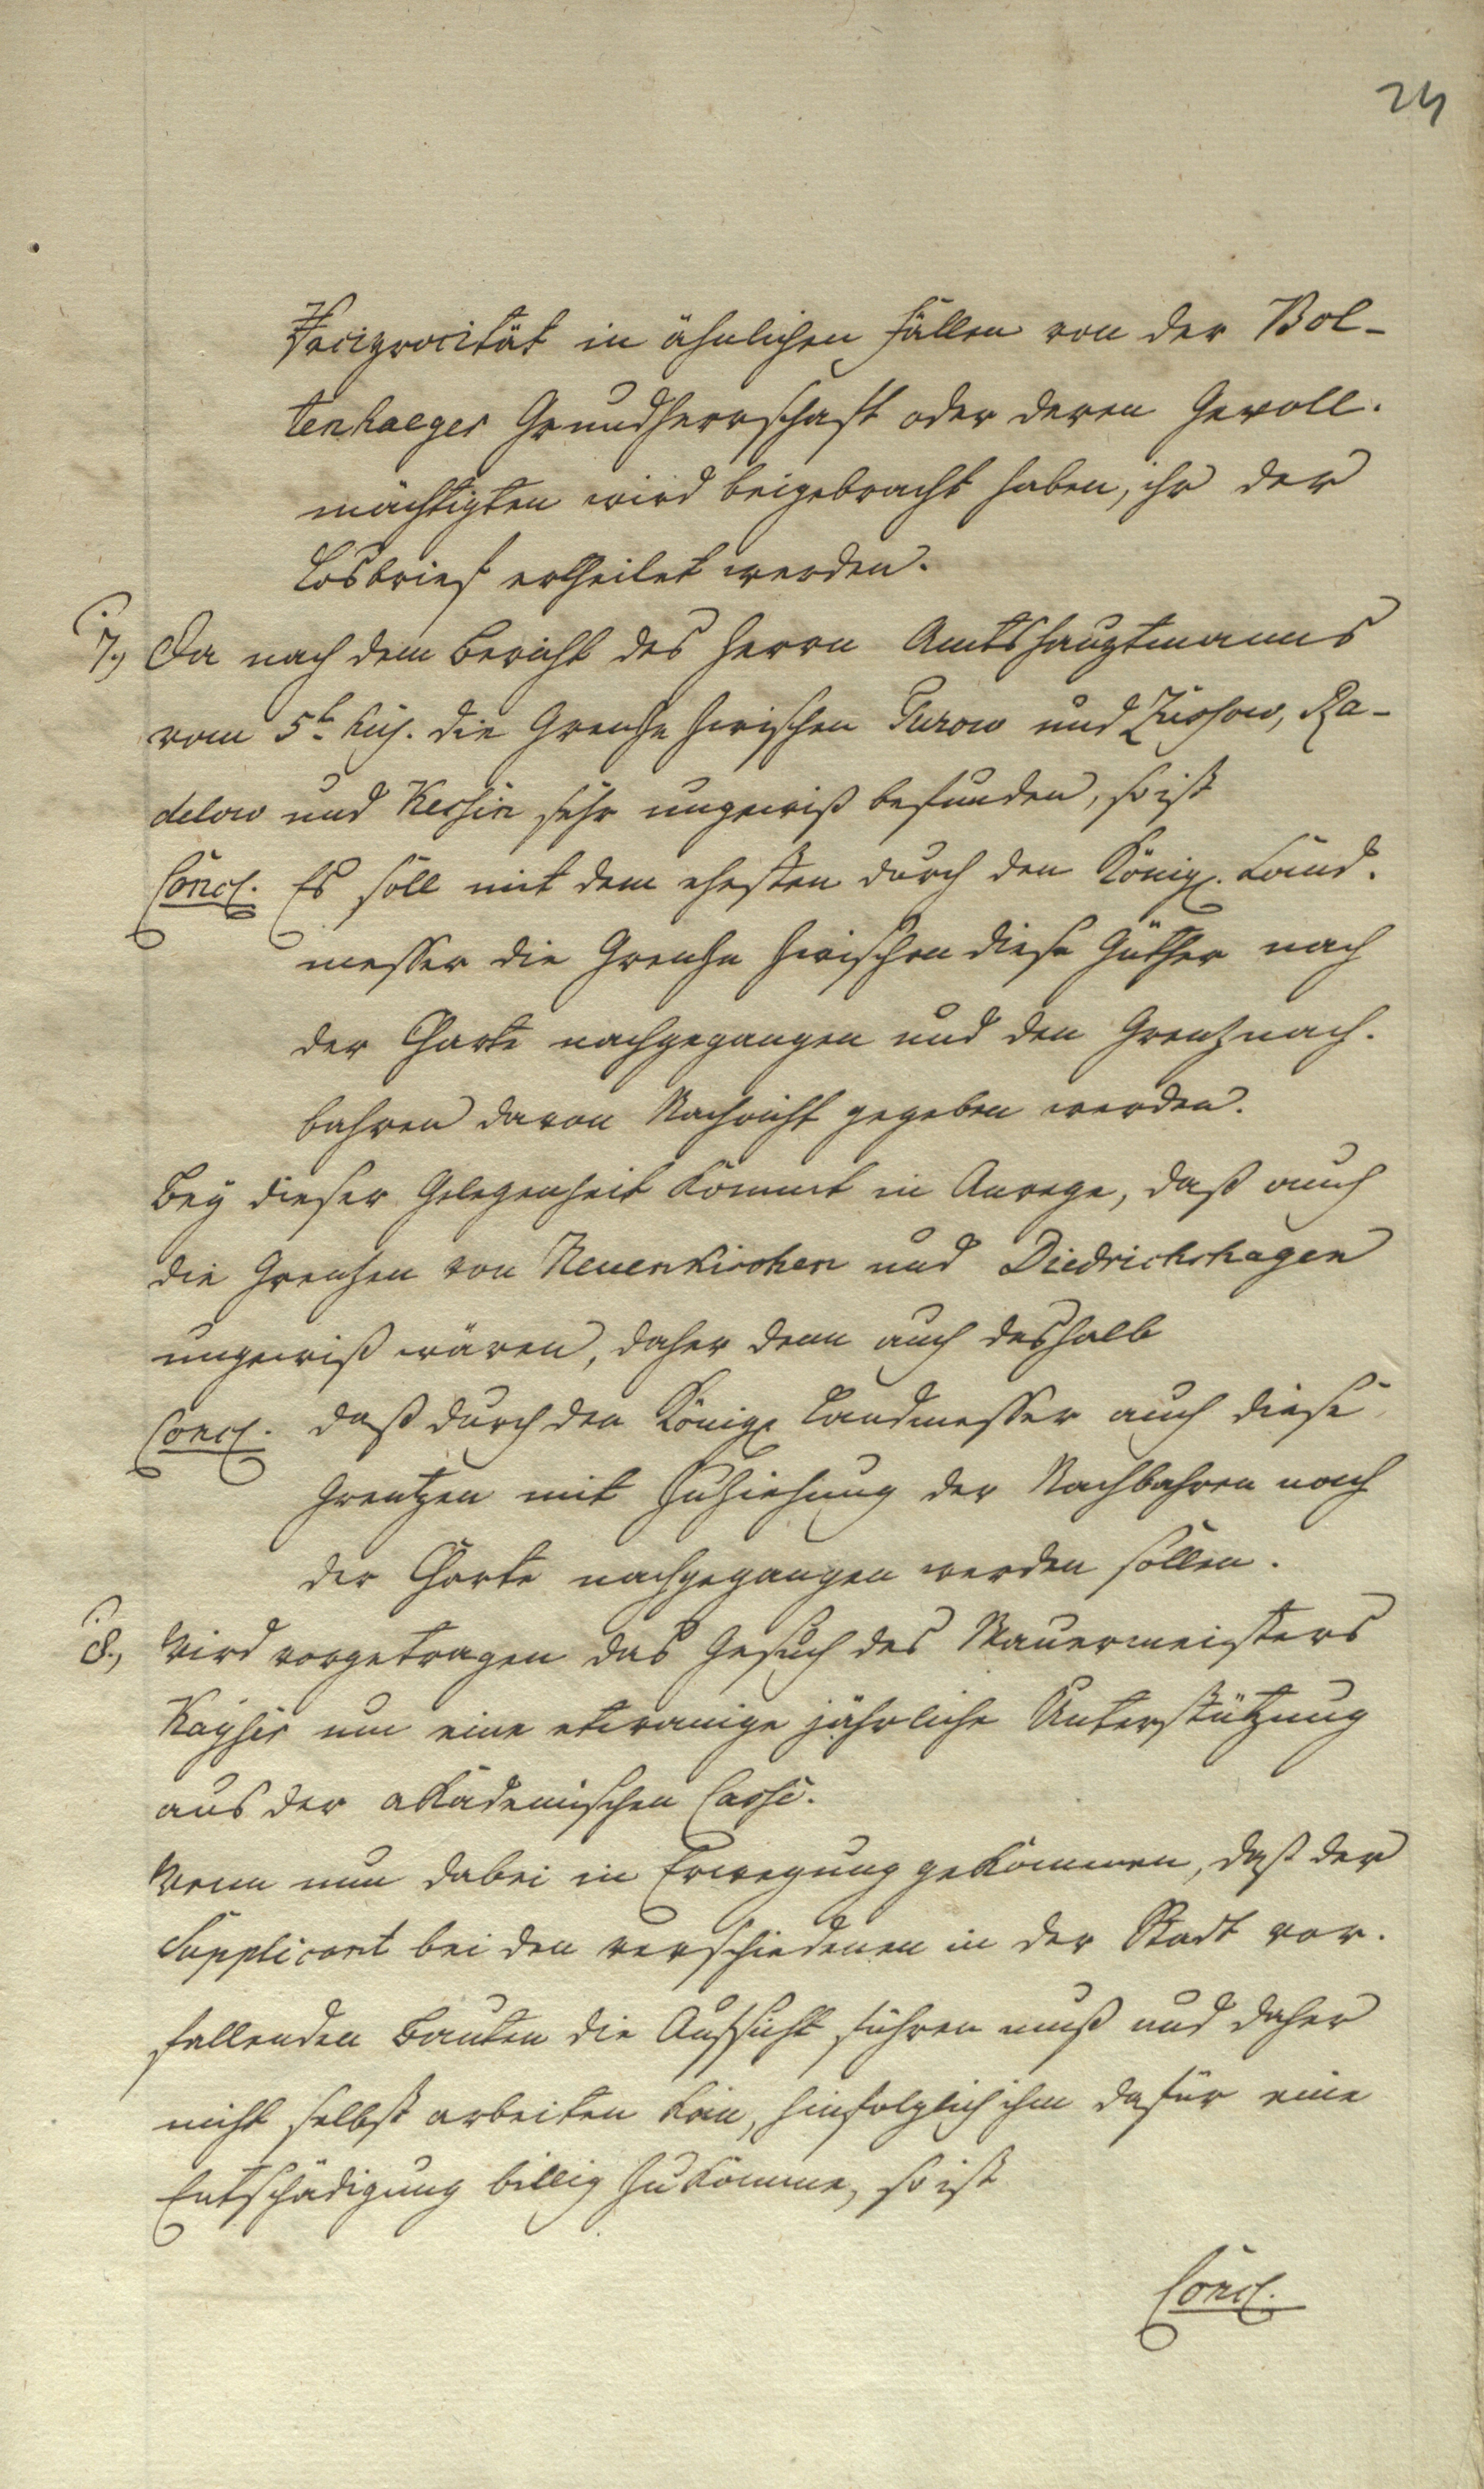Reciprocität in ähnlichen Fallen von der Bol¬
tenhaeger Grundherrschaft oder deren Gevoll¬
mächtigten wird beigebraucht haben, ihr der
Losbrief ertheilet werden.
7., Da nach dem Bericht des Herrn Amtshauptmanns
vom 5ten huj. die Grenze zwischen Turow und Züssow, Ra¬
delow und Kessin sehr ungewiß befunden, so ist
Concl. Es soll mit dem ehesten durch den Königl. Land¬
messer die Grenze zwischen diese Güther nach
der Charte nachgegangen und den Grenznach¬
bahren davon Nachricht gegeben werden.
Bey dieser Gelegenheit kommt in Anrege, daß auch
die Grenzen von Neuenkirchen und Diedrichshagen
ungewiß wären, daher denn deshalb
Concl. Daß durch den Königl. Landmesser auch diese
Grentzen mit Zuziehung der Nachbahren nach
der Charte nachgegangen werden sollen.
8., Wird vorgetragen daß Gesuch des Mauermeisters
Kayser um eine etwanige jährliche Unterstützung
aus der akademischen Casse.
Wenn nun dabei in Erwegung gekommen, daß der
Supplicant bei den verschiedenen in der Stadt vor¬
fallenden Bauten die Aufsicht führen muß und daher
nicht selbst arbeiten kan, hinfolglich ihm dafür eine
Entschädigung billig zukomme, so ist
Concl.